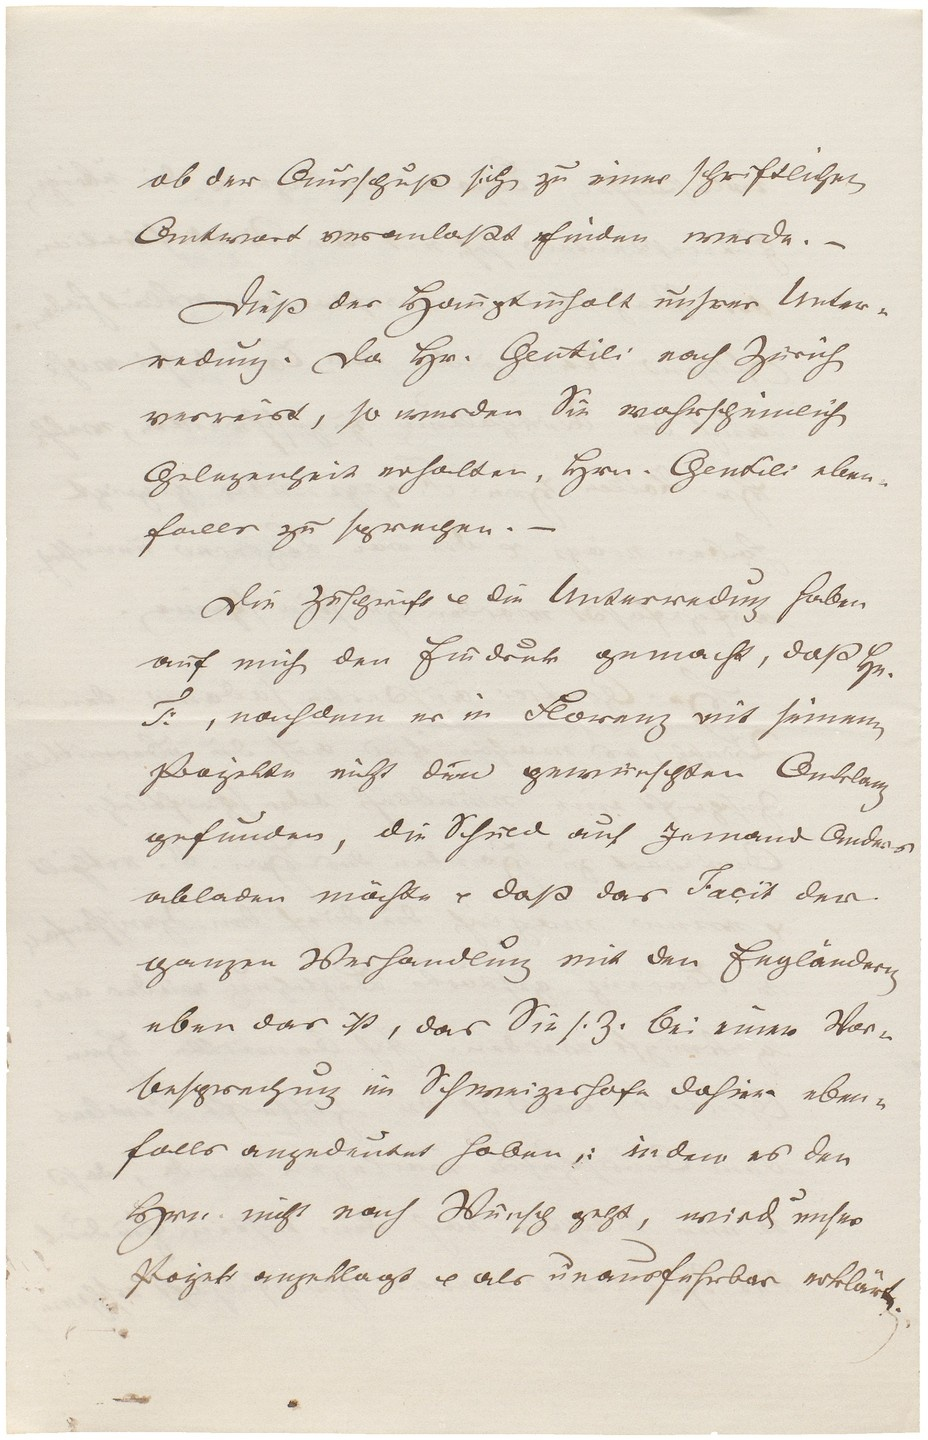ob der Ausschuß sich zu einer schriftlichen
Antwort veranlaßt finden werde. –
Dieß der Hauptinhalt unsrer Unter-
redung. Da Hr. Gentili nach Zürich
verreist, so werden Sie wahrscheinlich
Gelegenheit erhalten, Hrn. Gentili eben-
falls zu sprechen. –
Die Zuschrift & die Unterredung haben
auf mich den Eindruk gemacht, daß Hr.
F., nachdem er in Florenz mit seinem
Projekte nicht den gewünschten Anklang
gefunden, die Schuld auf Jemand Anders
abladen möchte & daß das Facit der
ganzen Verhandlung mit den Engländern
eben das ist, das Sie s. Z. bei einer Vor-
besprechung im Schweizerhofe dahier eben-
falls angedeutet haben,: indem es den
Hrn. nicht nach Wunsch geht, wird unser
Projekt angeklagt & als unausführbar erklärt.